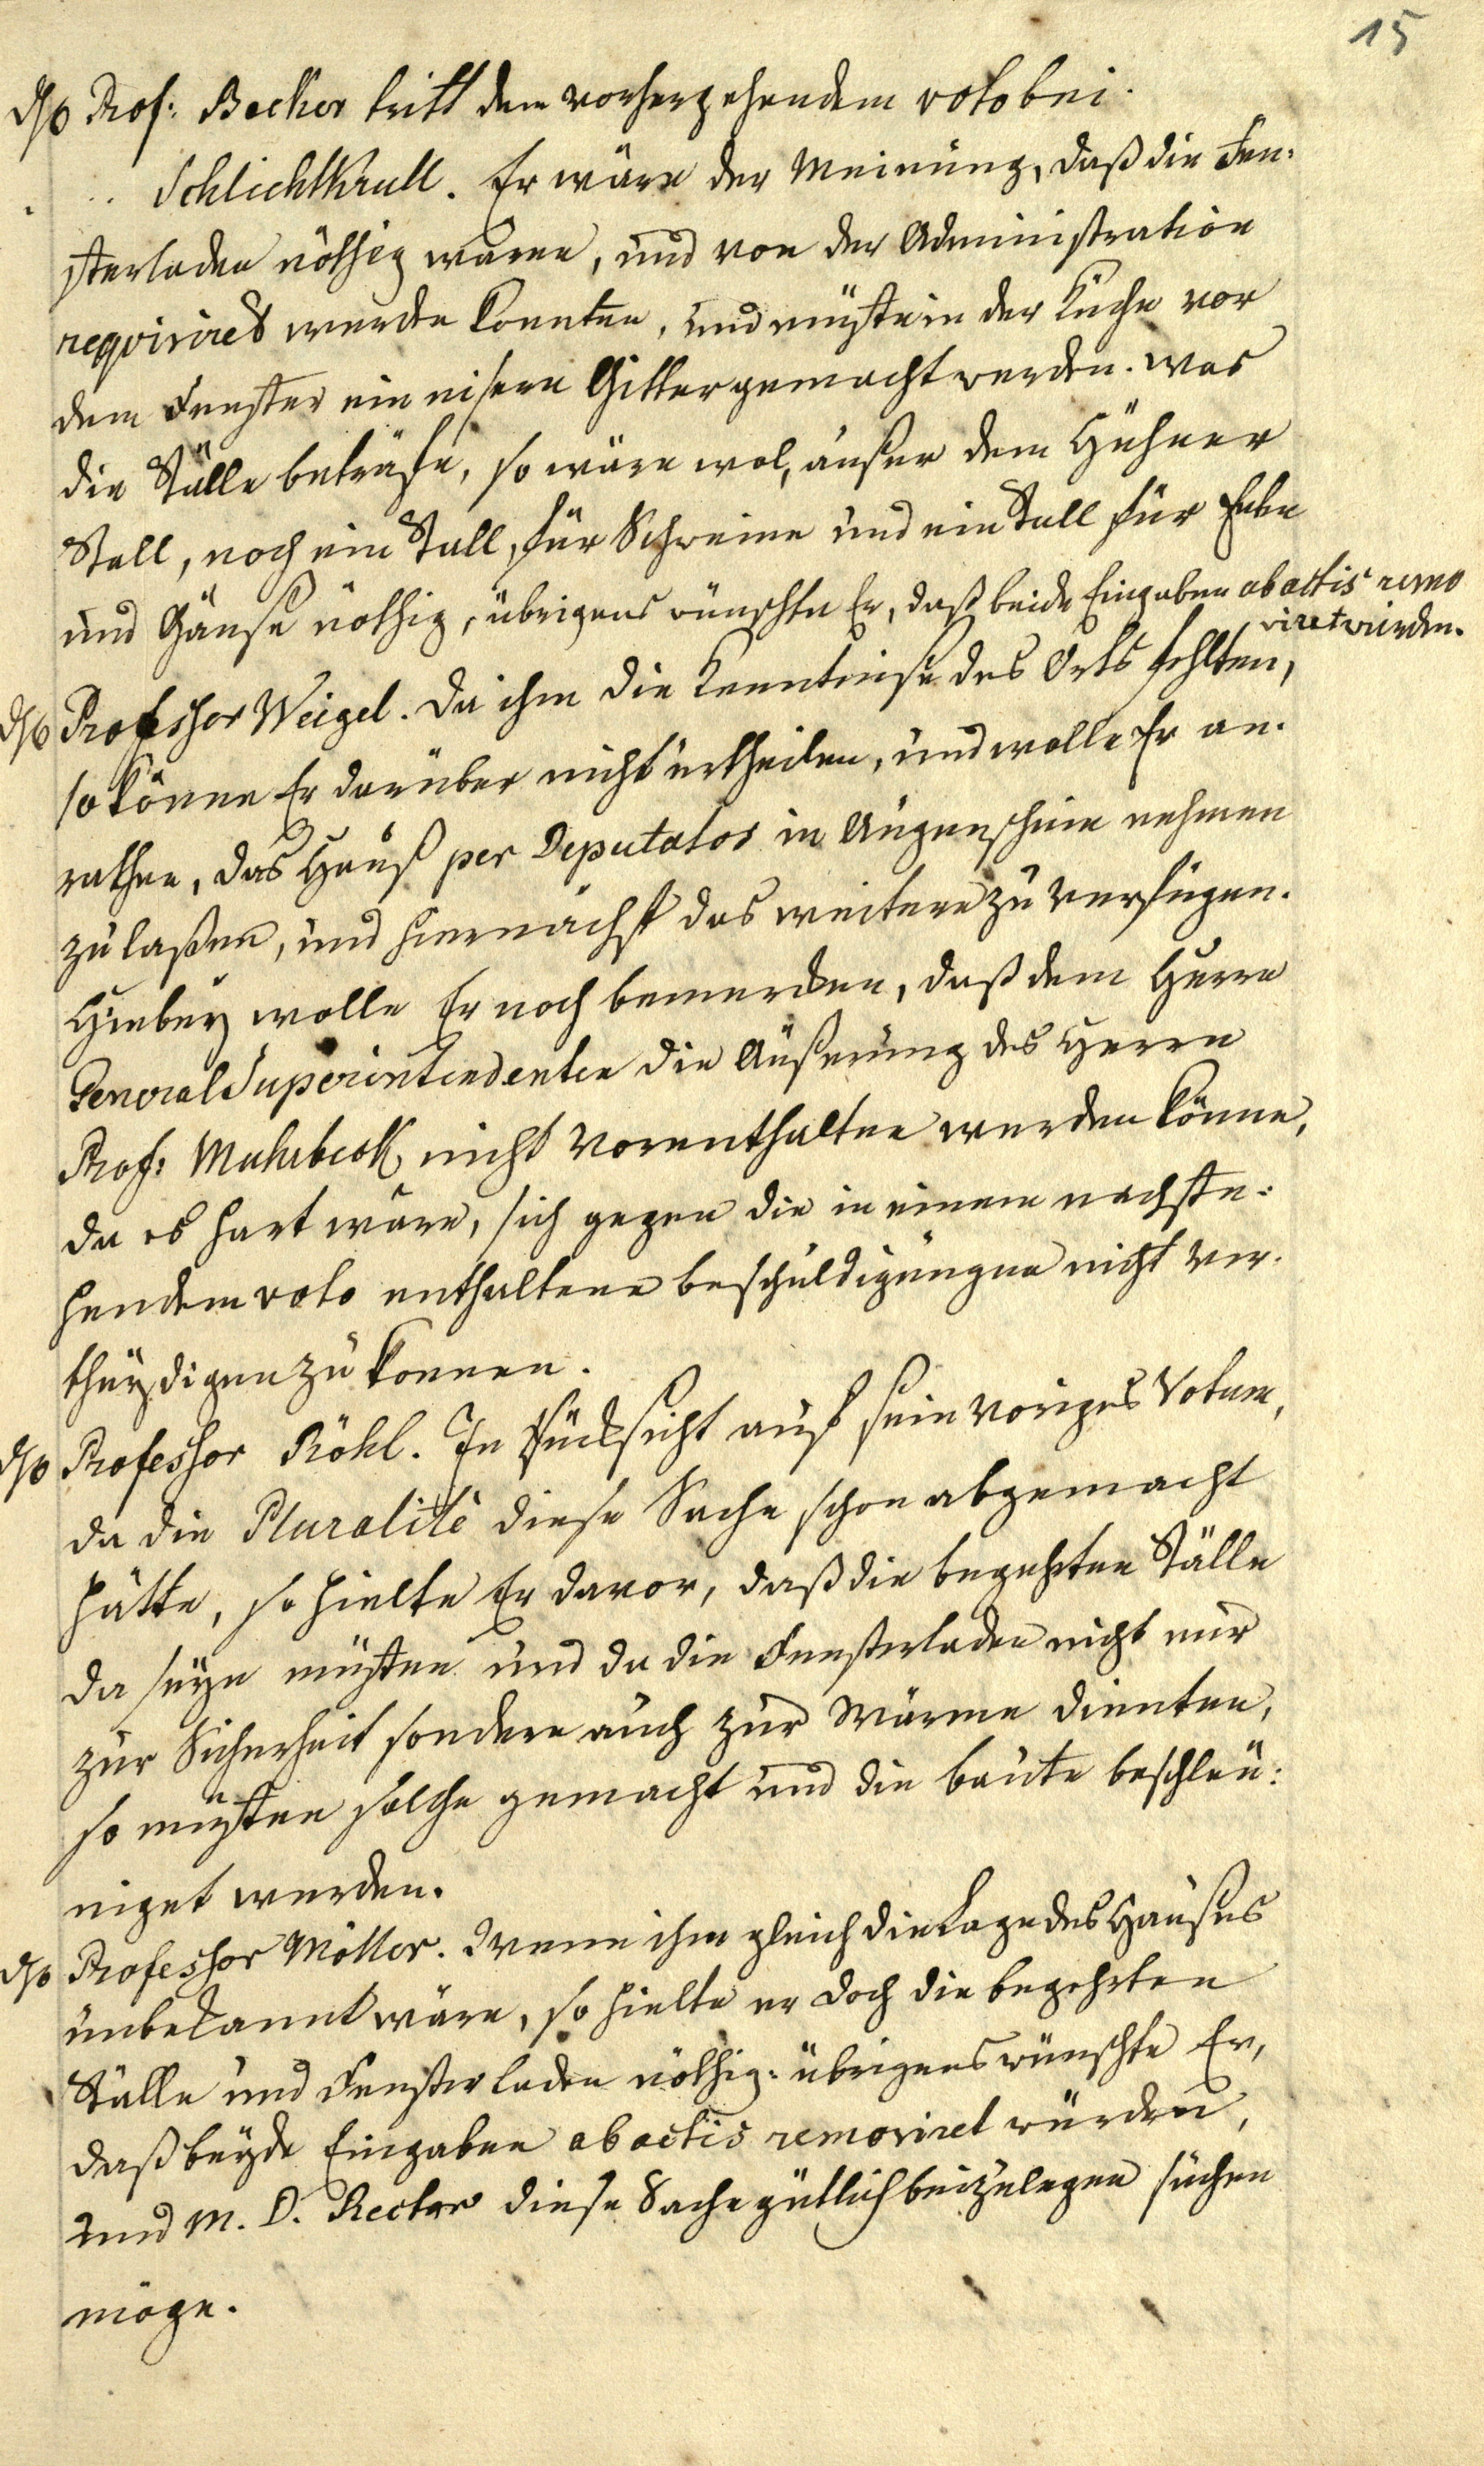dh Prof. Becker tritt dem vorhergehenden voto bei.
Schlichtkrull. Er wäre der Meinung, daß die Fen¬
sterladen nöthig wären, und von der Administration
requiriret werden könnten, und müste in der Küche vor
dem Fenster ein eisern Gitter gemacht werden. Was
die Ställe beträfe, so wäre wol, außen dem Hühner
Stall, noch ein Stall, für Schweine und ein Stall für Enten
und Gänße nöthig, übrigens wünschte Er, daß beide Eingaben ob actis remo
viret würden.
dh Professor Weigel. Da ihm die Kenntniße des Orts fehlten,
so könne Er darüber nicht urtheilen, und wolle Er an¬
rathen, das Hauß per Deputatos in Augenschein nehmen
zu laßen, und hiernächst das weitere zu verfügen.
Hiebeÿ wolle Er noch bemercken, daß dem Herrn
GeneralSuperintendenten die Äußerung des Herrn
Prof. Muhrbeck. nicht vorenthalten werden könne,
da es hart wäre, sich gegen die in einen nachste¬
henden voto enthaltene Beschuldigungen nicht ver¬
theÿdigen zu können.
dh Professor Röhl. In Rücksicht auf sein voriges Votum
da in Pluralitè diese Sache schon abgemacht
hätte, so hielte Er davor, daß die begehrten Ställe
da seÿn müsten und da die Fensterladen nicht nur
zur Sicherheit sondern auch zur Wärme dienten,
so müsten solche gemacht und die Baute beschleu¬
niget werden.
dh Professor Möller. Wenn ihm gleich die Lage des Haußes
unbekannt wäre, so hielte er doch die begehrten
Ställe und Fensterladen nöthig. übrigens wünschte Er,
daß beÿde Eingaben ab actis removiret würden,
und M. D. Rector diese Sache gütlich beizulegen suchen
möge.